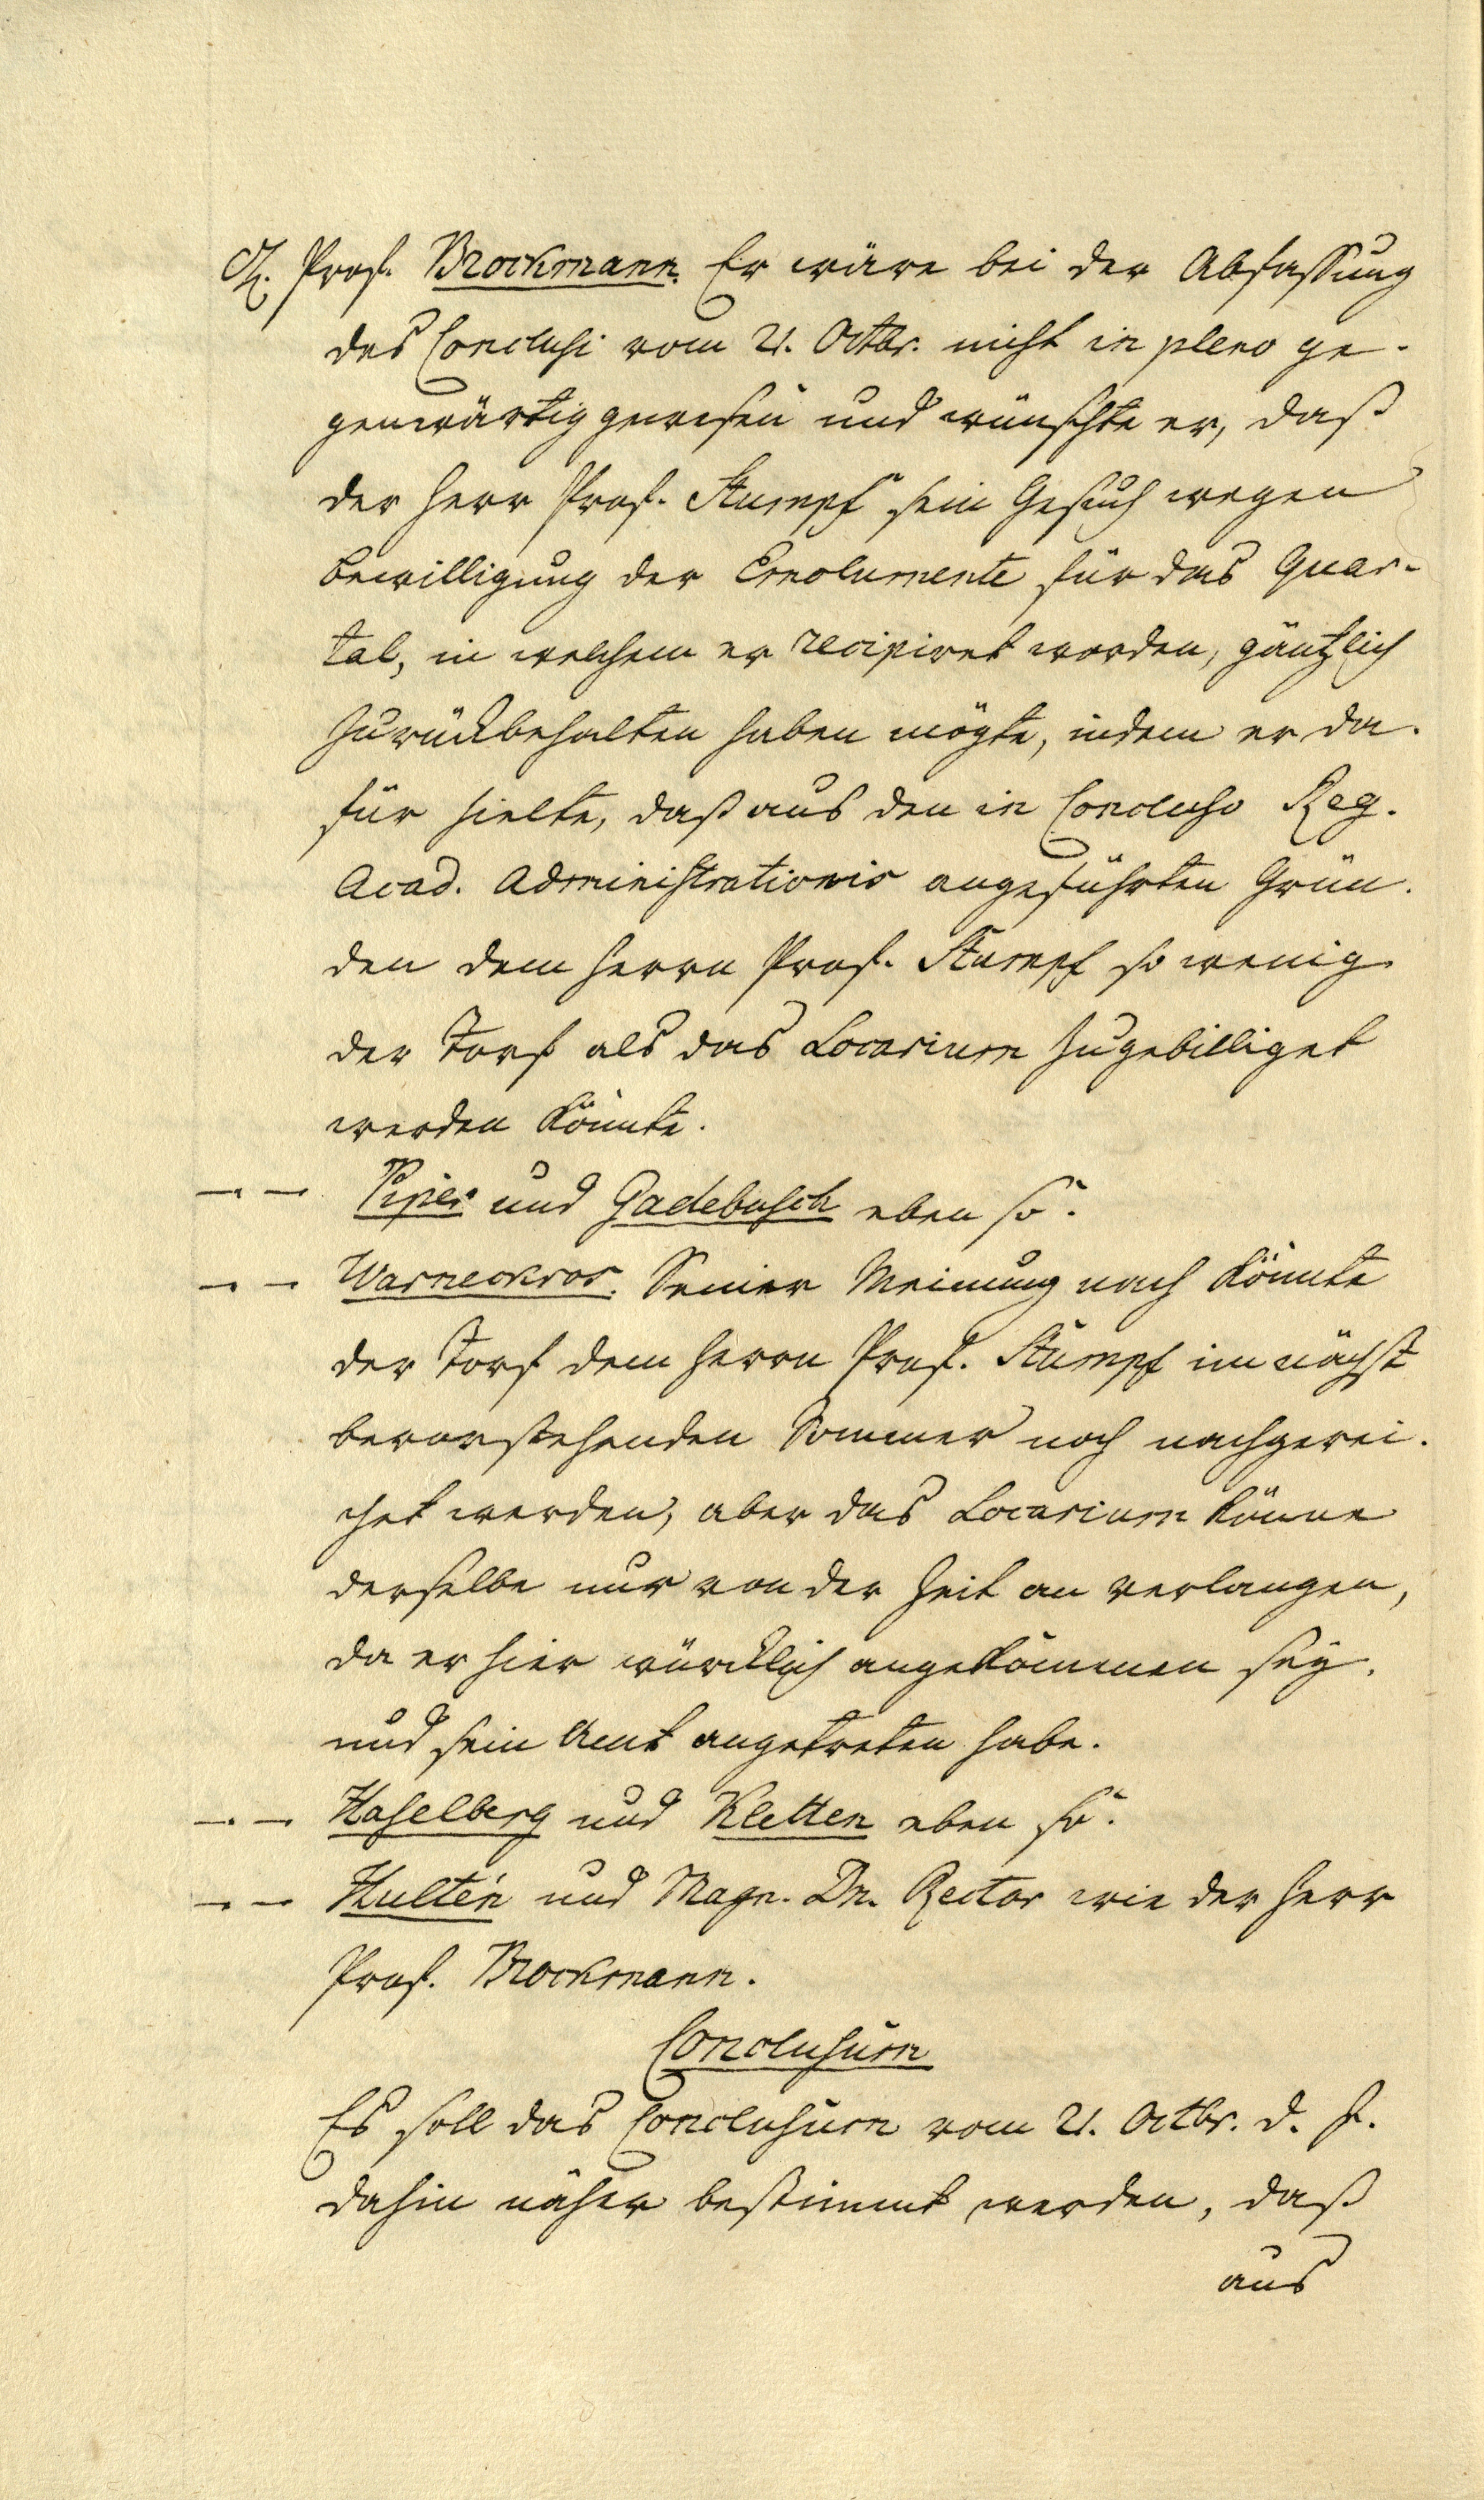dh. Prof. Brockmann. Er wäre bei der Abfassung
des Conclusi vom 21. Octbr. nicht in pleno ge¬
genwärtig gewesen und wünschte er, daß
der Herr Prof. Stumpf sein Gesuch wegen
Bewilligung der Emolumente für das Quar¬
tal, in welchem er recipiret worden, gäntzlich
zurückbehalten haben mögte, indem er da¬
für hielte, daß aus den in Concluso Reg.
Acad. Administrationis angeführten Grün¬
den dem Herrn Prof. Stumpf so wenig
der Torf als das Locarium zugebilliget
werden könnte.
Piper und Gadebusch eben so.
Warneckros. Seiner Meinung nach könnte
der Torf dem Herrn Prof. Stumpf im nächst
bevorstehenden Sommer noch nachgerei¬
chet werden, aber das Locarium könne
derselbe nur von der Zeit an verlangen,
da er hier würcklich angekommen seÿ,
und sein Amt angetreten habe.
Haselberg und Kletten eben so.
Hultén und Magn. Dn. Rector wie der Herr
Prof. Brockmann.
Conclusum
Es soll das Conclusum vom 21. Octbr. d. J.
dahin näher bestimmt werden, daß
aus